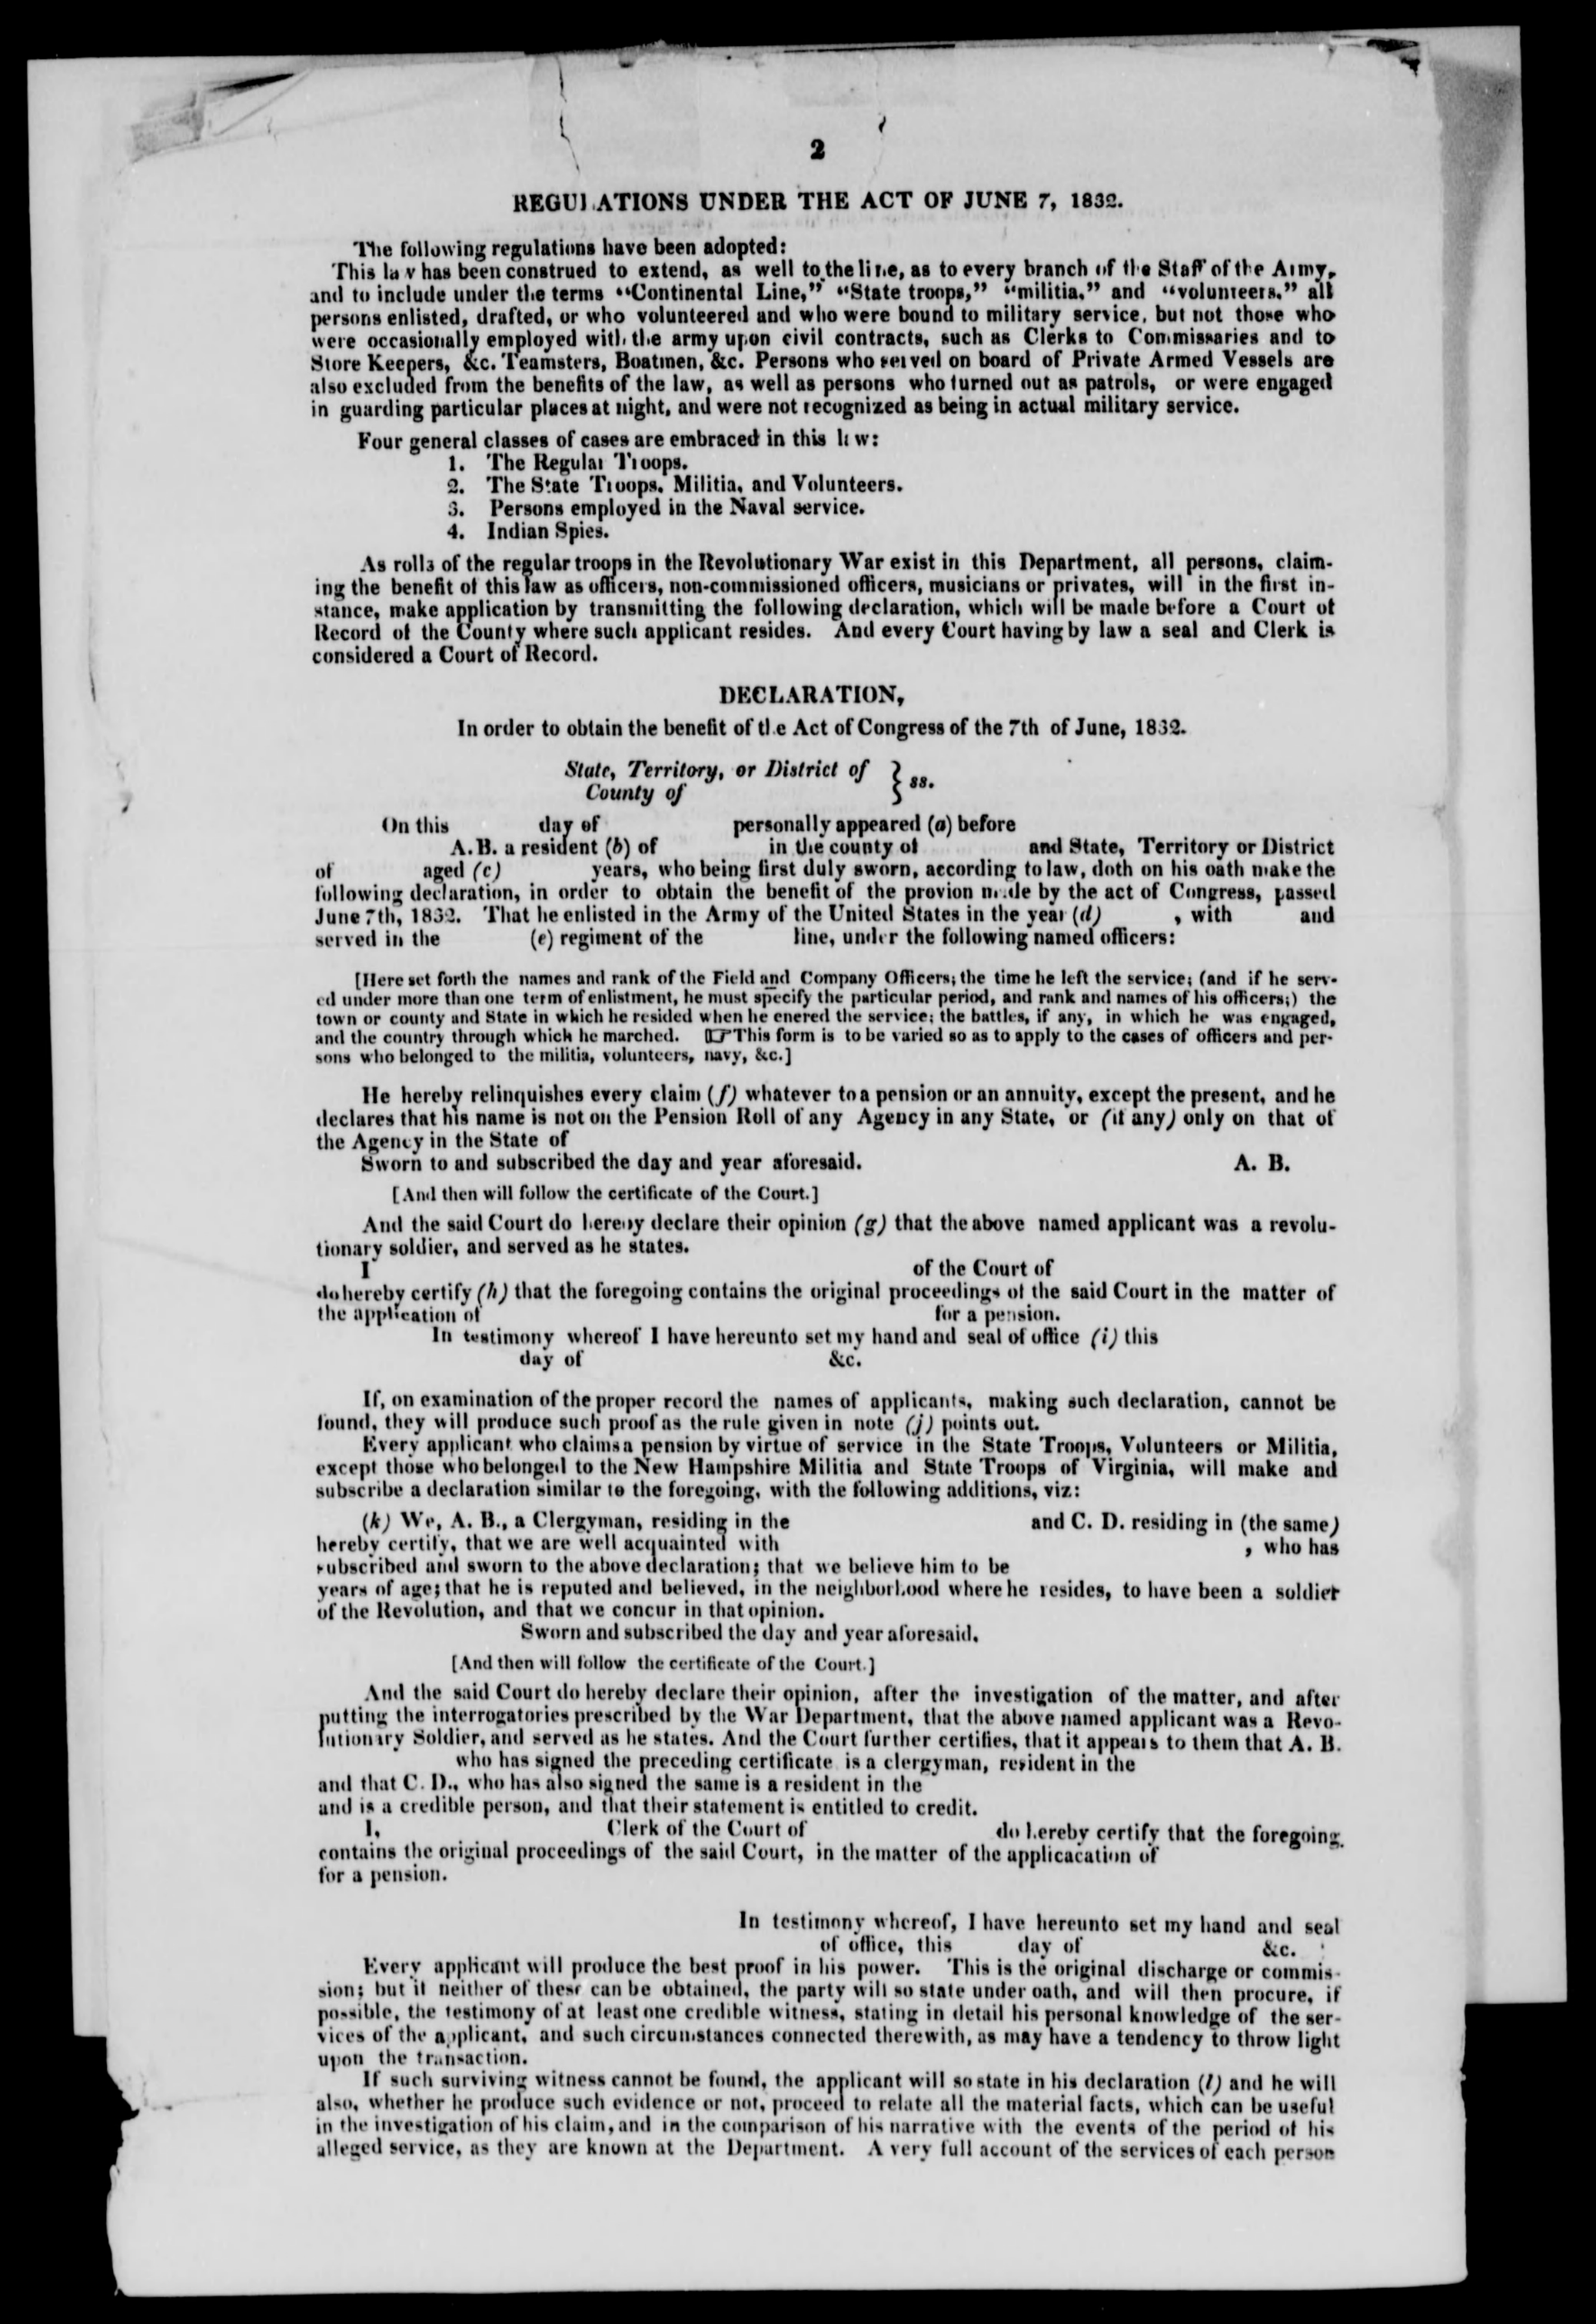DECLARATION,
In order to obtain the benefit of the Act of Congress of the 7th of June, 1832.
State, Territory, or District of County of }ss.
On this   day of    personally appeared (a) before A.B. a resident (b) of     in the county of     and State, Territory or District of    aged (c)  years, who being first duly sworn, according to law, doth on his oath make the following declaration, in order to obtain the benefit of the provision made by the act of Congress, passed June 7th, 1832. That he enlisted in the Army of the United States in the year (d)   , with and served in the (e) regiment of the     line, under the following names officers:
[Here set forth the names and rank of the Field and Company Officers, the time he left the service, (and if he served under more than one term of enlistment, he must specify the particular period, and rank and names of his officers,) the town or county and State in which he resided when he entered the service, the battles, if any, in which he was engaged, and the country through which he marched. [logo of hand with pointing finger] This form is to be varied so as to apply to the cases of officers and persons who belonged to the militia, volunteers, navy, &c.]
He hereby relinquishes every claim (f) whatever to a pension or an annuity, except the present, and he declares that his name is not on the Pension Roll of any Agency in the State, or (if any) only on that of the Agency in the State of      Sworn to and subscribed the day and year aforesaid.  A.B. [And then will follow the certificate of the Court.]
And the said Court do hereby declare their opinion (g) that the above named applicant was a revolutionary soldier, and served as he states. I   of the Court of     do hereby certify (h) that the foregoing contains the original proceedings of the said Court in the matter of the application 
for a pension. In testimony whereof I have hereunto set my hand and seal of office (i) this    day of      &c.
If, on examination of the proper record the names of applicants, making such declaration, cannot be found, they will produce such proof as the rule given in note (j) points out. Every applicant who claims a pension by virtue of service in the State Troops, Volunteers or Militia, except those who belonged to the New Hampshire Militia and State Troops of Virginia, will make and subscribe a declaration similar to the foregoing, with the following additions, viz:
(k)We, A.B., a Clergyman, residing n the     and C.D. residing in (the same) hereby certify, that we are well acquainted with      , who has subscribed and sworn to the above declaration; that we believe him to be    years of age; that he is reputed and believed, in the neighborhood where he resides, to have been a soldier of the Revolution, and that we concur in that opinion. Sworn and subscribed the day and year aforesaid. [And then will follow the certificate of the Court.] And the said Court do hereby declare their opinion, after the investigation of the matter, and after putting the interrogatories prescribed by the War Department, that the above named applicant was a Revolutionary Soldier, and served as he states. And the court further certifies, that it appears to the that A.B.    who has signed the preceding certificate is a clergyman, resident in the       and that C.D., who has also signed the same is a resident in the     and is a credible person, and that their statement is entitled to credit. Id,   Clerk of the Court of    do hereby certify that the foregoing contains the original proceedings of the said Court, in the matter of the application of     for a pension. 
In testimony whereof, I have hereunto set my hand and seal of office, this day of    &c. Every applicant will produce the best proof in his power. This is the original discharge or commission; but if neither of these can be obtained, the party will so state under oath, and will then procure, if possible, the testimony of at least one credible witness, stating in detail his personal knowledge of the services of the applicant, and such circumstances connected therewith, as may have a tendency to throw light upon the transaction. If such surviving witness cannot be found, the applicant will so state in his declaration (l) and he will also, whether he produce such evidence or not, proceed to relate all the material facts, which can be useful in the investigation of his claim, and in the comparison of his narrative with the events of the period of his alleged service, as they are known at the Department. A very full account of the services of each person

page: 9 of 30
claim: survivor's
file: S. 1104, for Simon Simonson, New Jersey